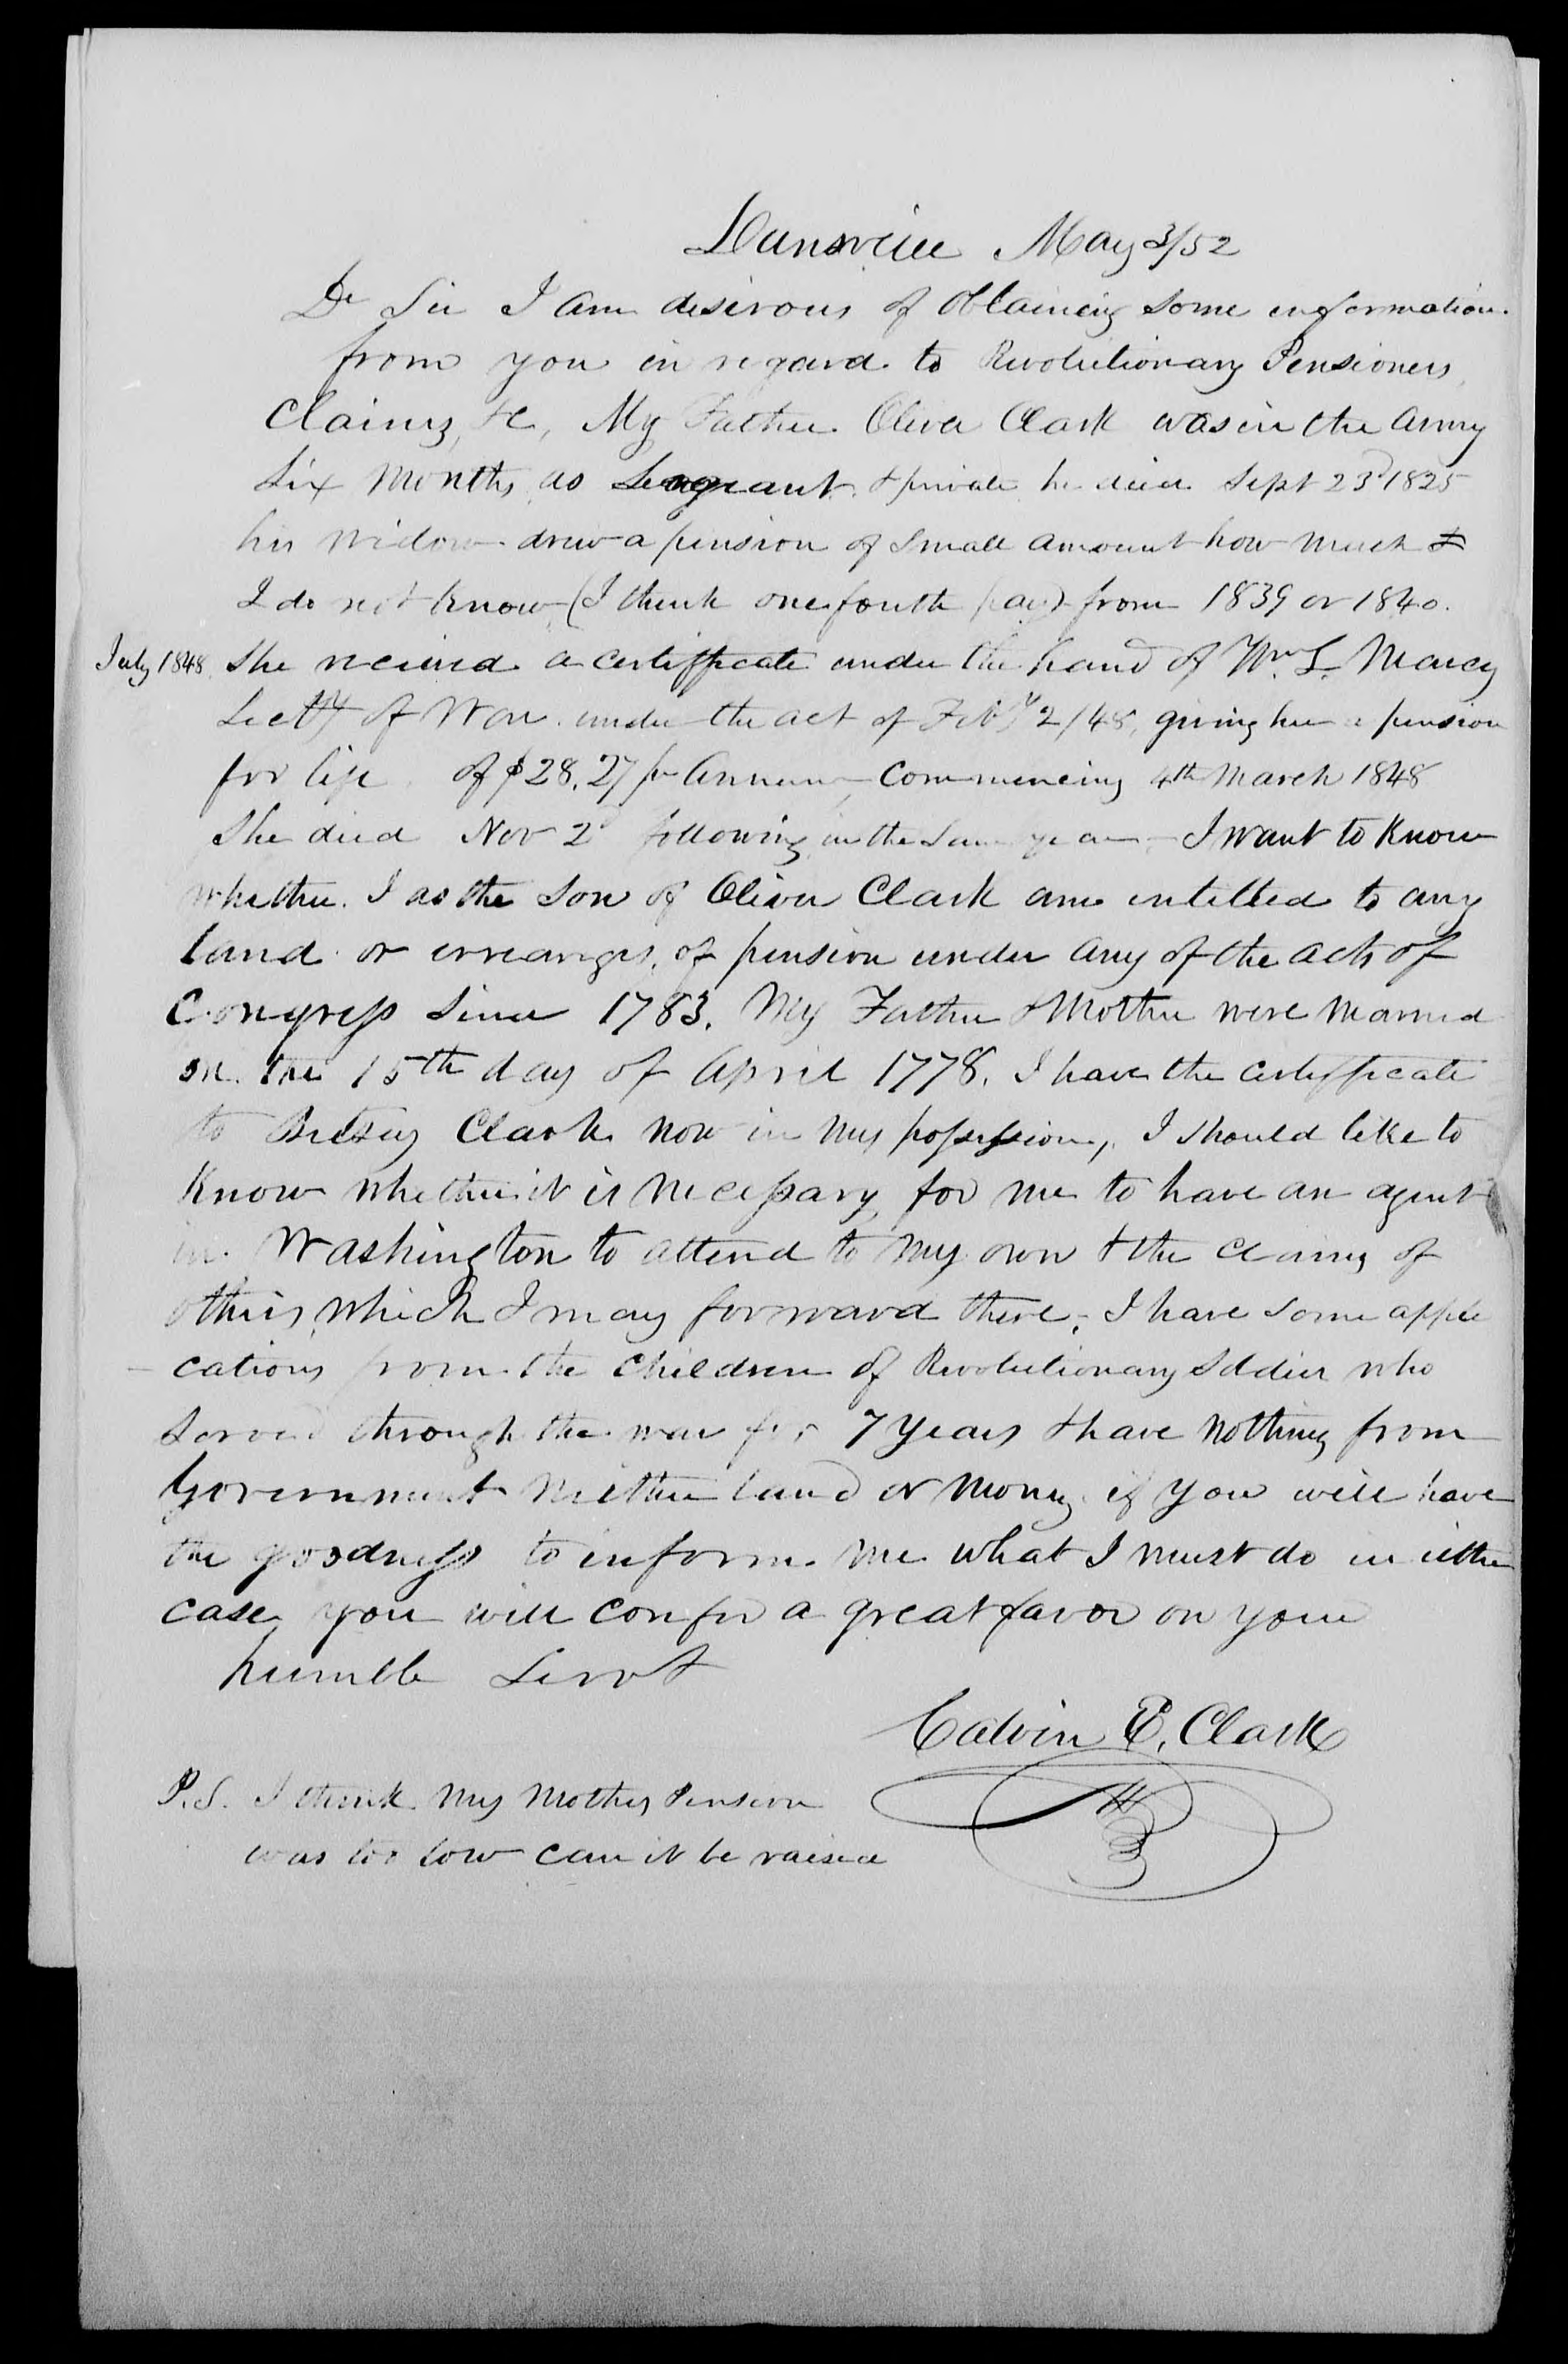[handwritten]
Dansville May 3/52
Dr Sir I am desirous of obtaining some information from you in regard to Revolutionary Pensioners, Claims, tc, My Father Oliver Clark was in the Army Six months as Sergeant & private  he died Sept 23 1825  his widow drew a pension of small amount how much I do not know (I think one fourth pay)  from 1839 or 1840. July 1848 She received a certificated under the hand of Wm L. Marcy for life of $28.27 per annum commencing 4th March 1848  She died Nov 2d following in the same year. I want to know whether I as the Son of Oliver Clark am entitled to any land or arrearages of pension under any of the actos Congress Since 1783. My Father & Mother were married on the 15th day of April 1778. I have the certificate to Betsey Clark now in my possession. I should like to know whether it is necessary for me to have an agent in Washington to attend to my own & the claims of others which I may forward there. I have some applications from the Children of Revolutionary Soldier who Served through the war for 7 years & have nothing from Government neither land or money. If you will have the goodness to inform me what I must do in either case you will confer a great favor on your humble Servt
[signed] Calvin E Clark
P.S. I think my mothers pension was too low can it be raised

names: Wm L Marcy, Oliver Clark, Betsey Clark, Oliver Clark, Calvin E Clark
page: 36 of 51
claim: widow's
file: W. 23816, Oliver Clark, Conn.